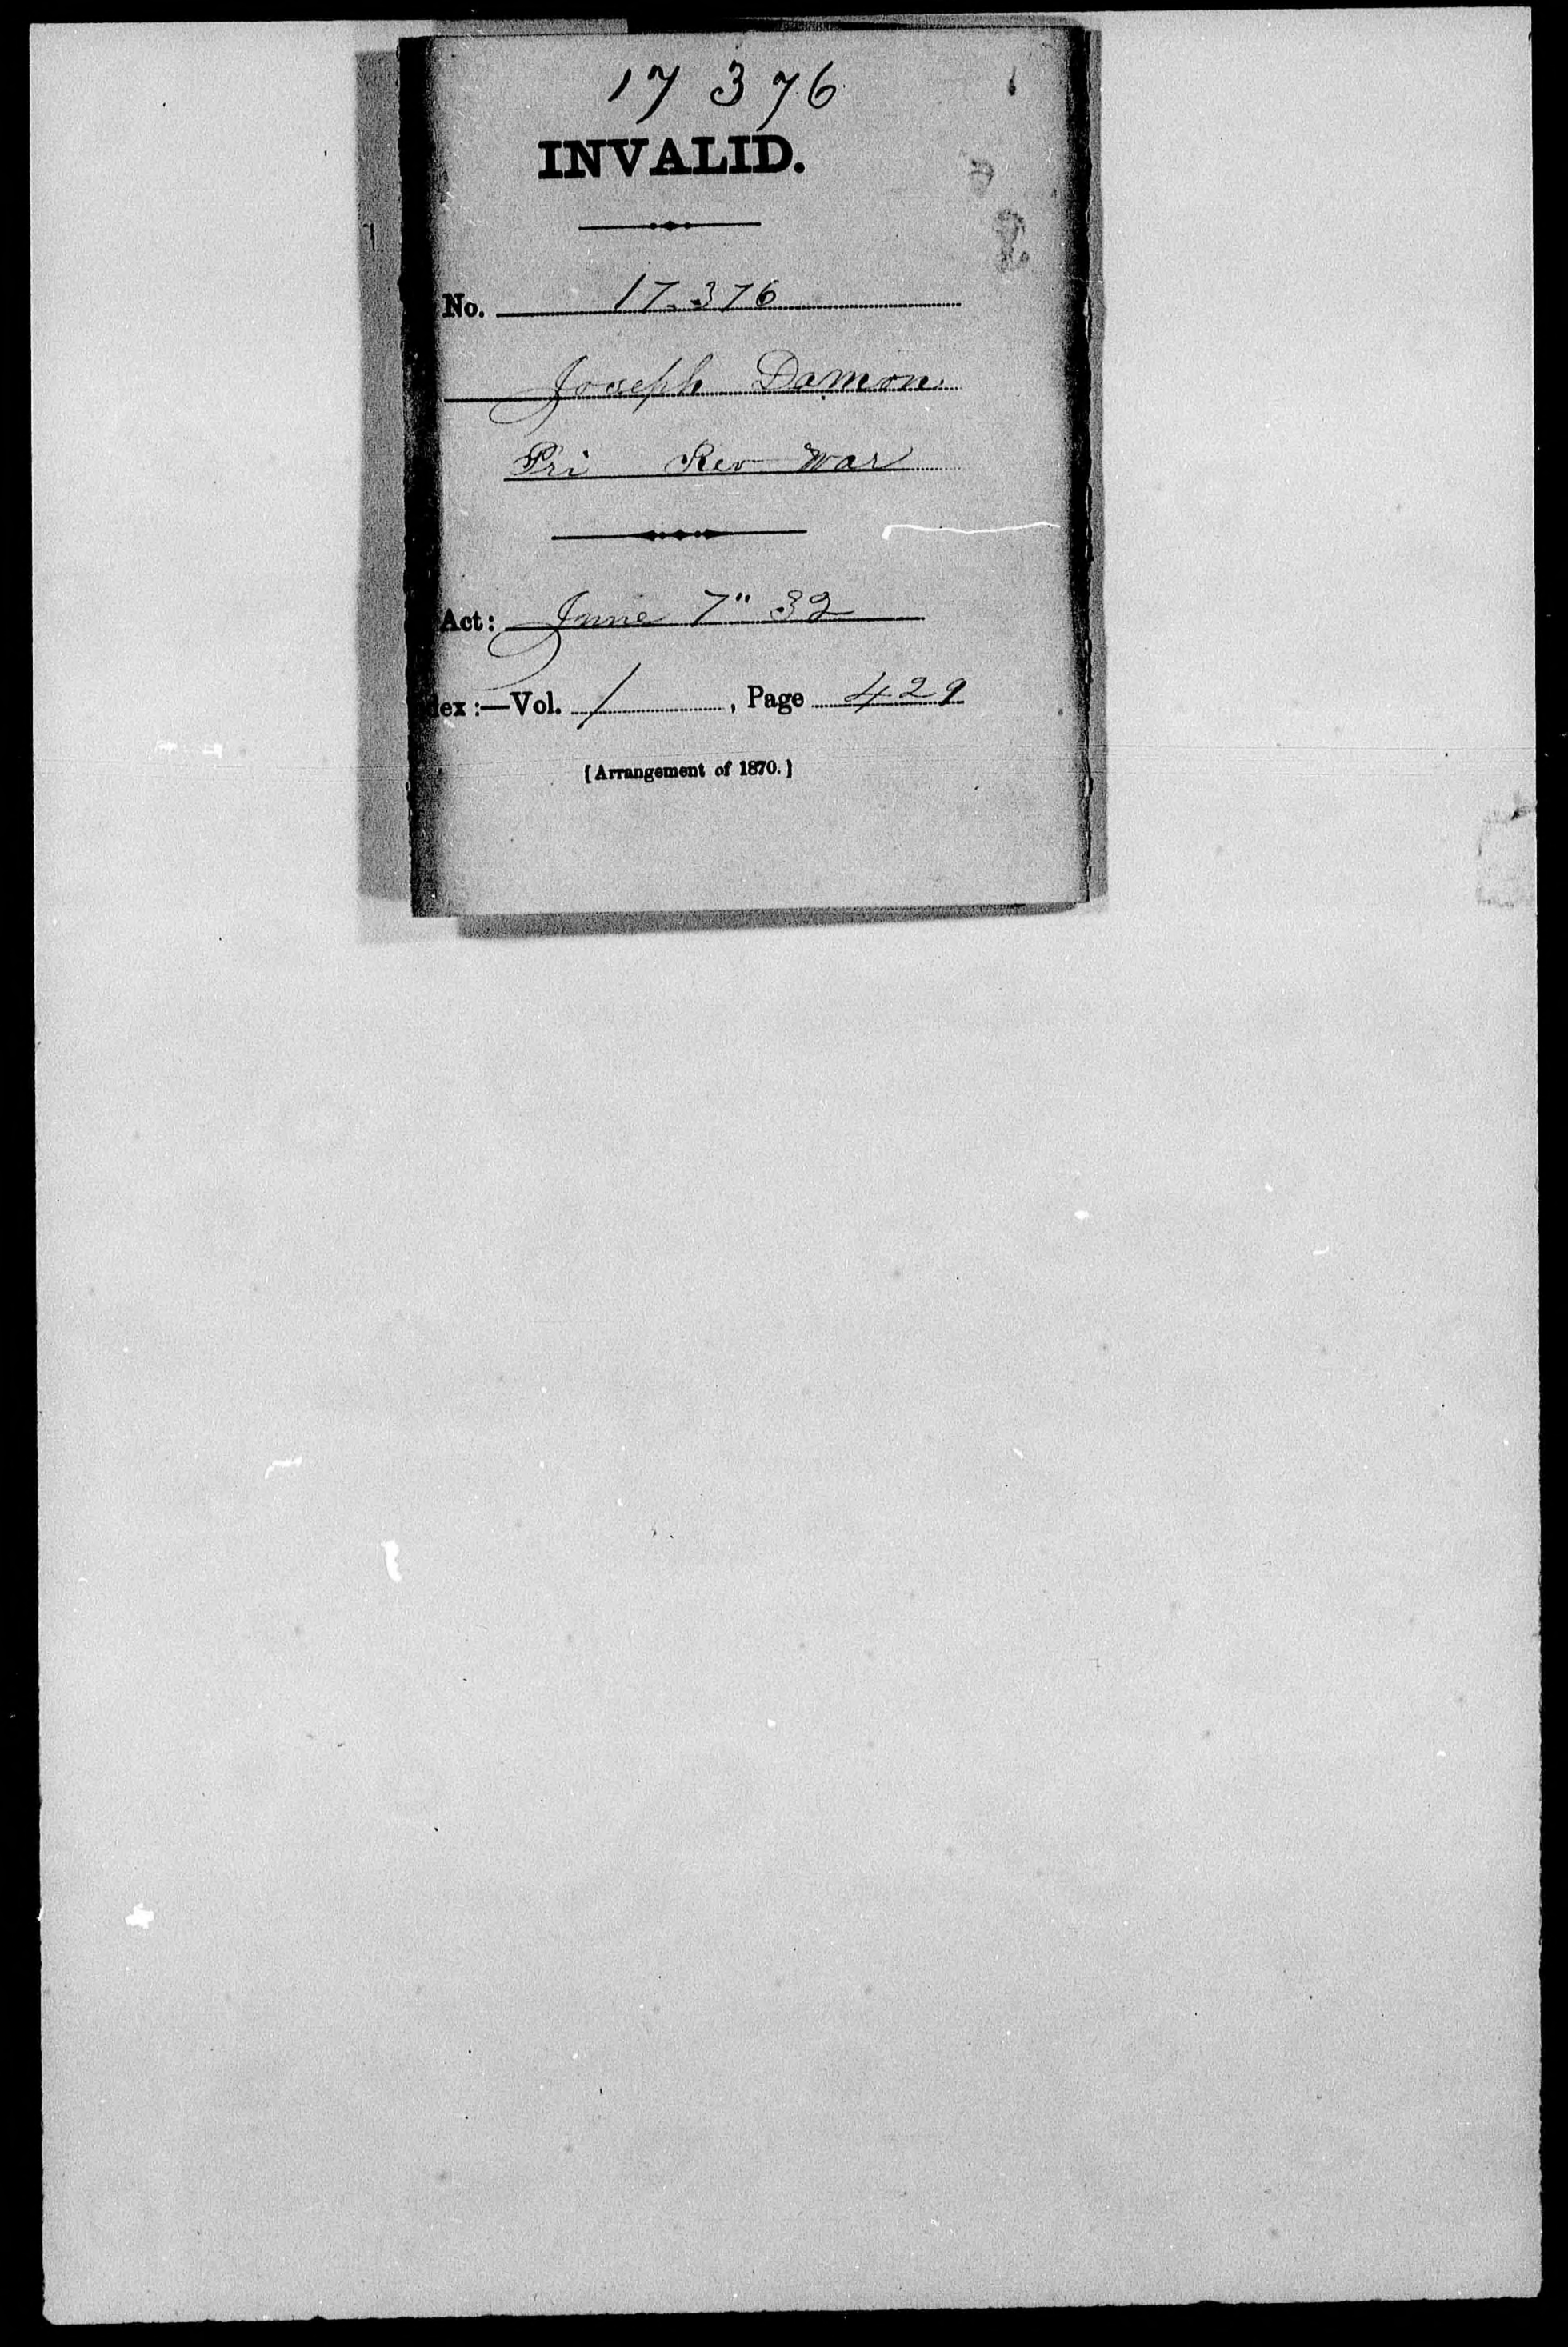17376
INVALID.
----------
no. 17.376
Joseph Damon
Priv Rev War
-----------
Act: June 7th 32
Index:-Vol. 1, Page 429

{Arrangement of 1870.}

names: Joseph Damon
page: 17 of 28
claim: survivor's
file: S. 17376, Joseph Damon, Continental Mass.